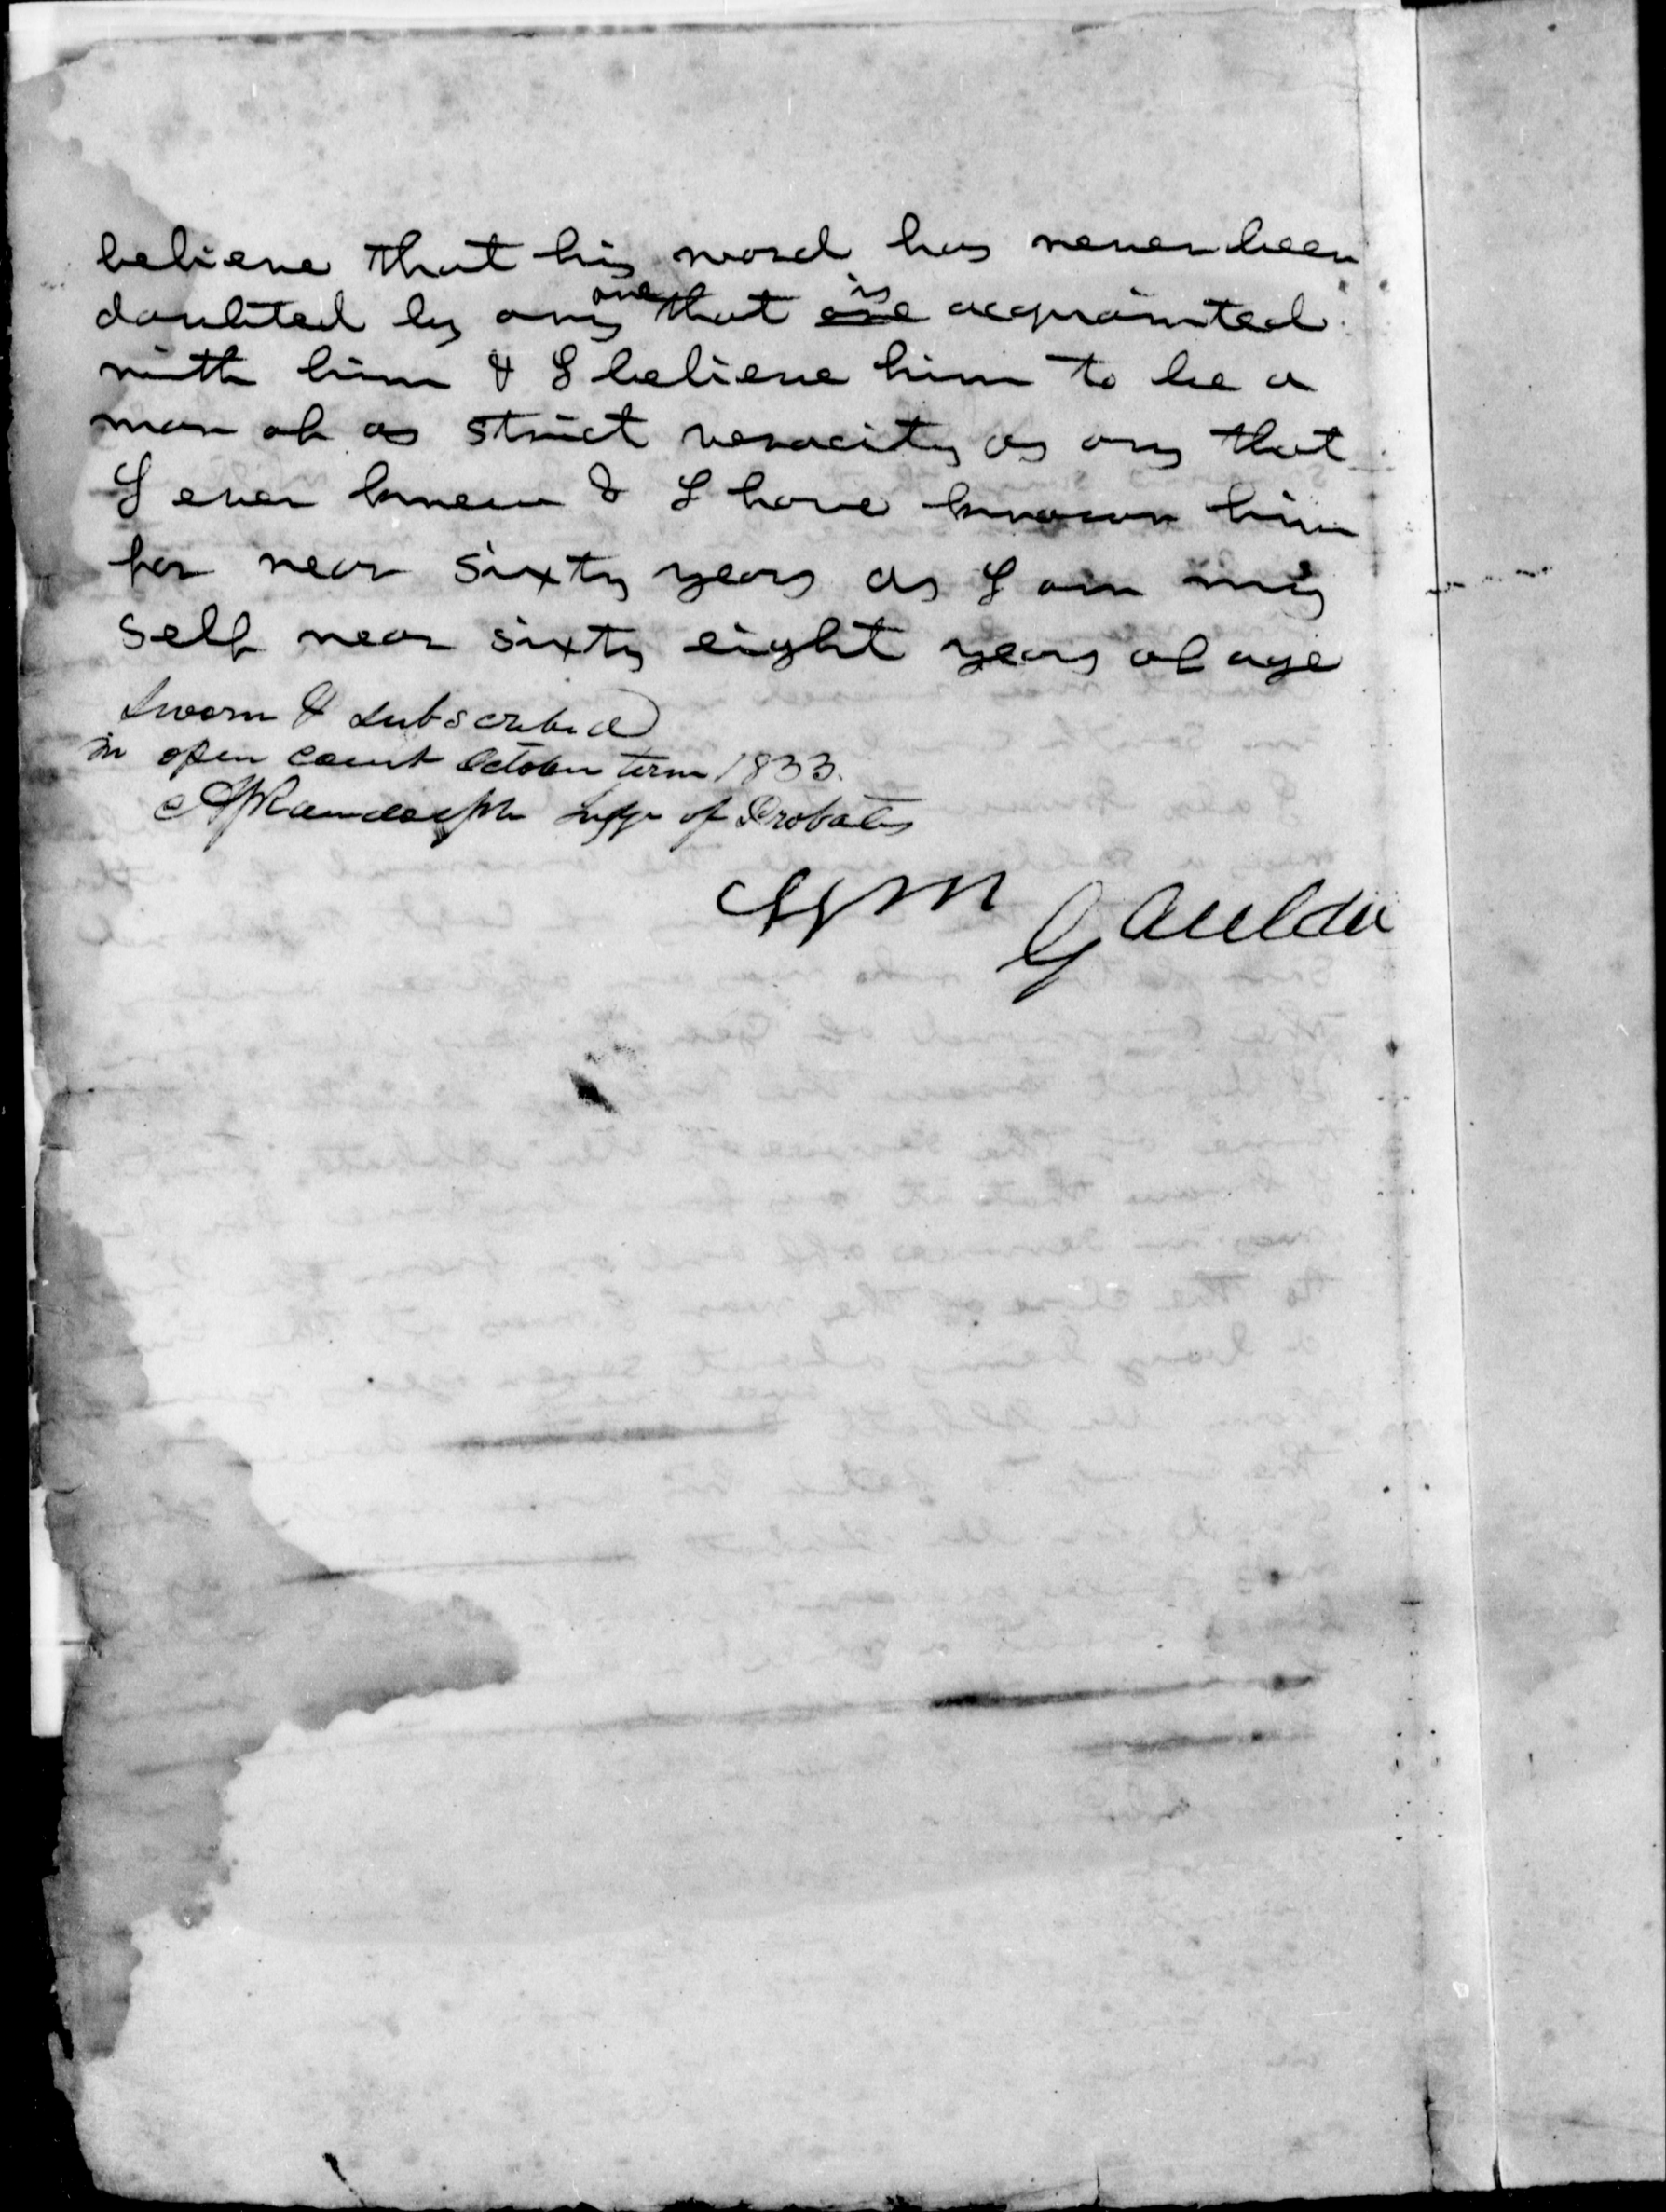believe that his word has never been doubted by any one that is acquainted with him & I believe him to be a man of as strict veracity as any that I ever knew & I have known him for near sixty years as I am myself near sixty eight years of age
Sworn & subscribed in open Court October term 1833.
A J Randolph Judge of Probates
Wm Gauldin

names: Wm Gauldie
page: 14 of 38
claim: survivor's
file: S. 30. 239, William Abbott, S.C.